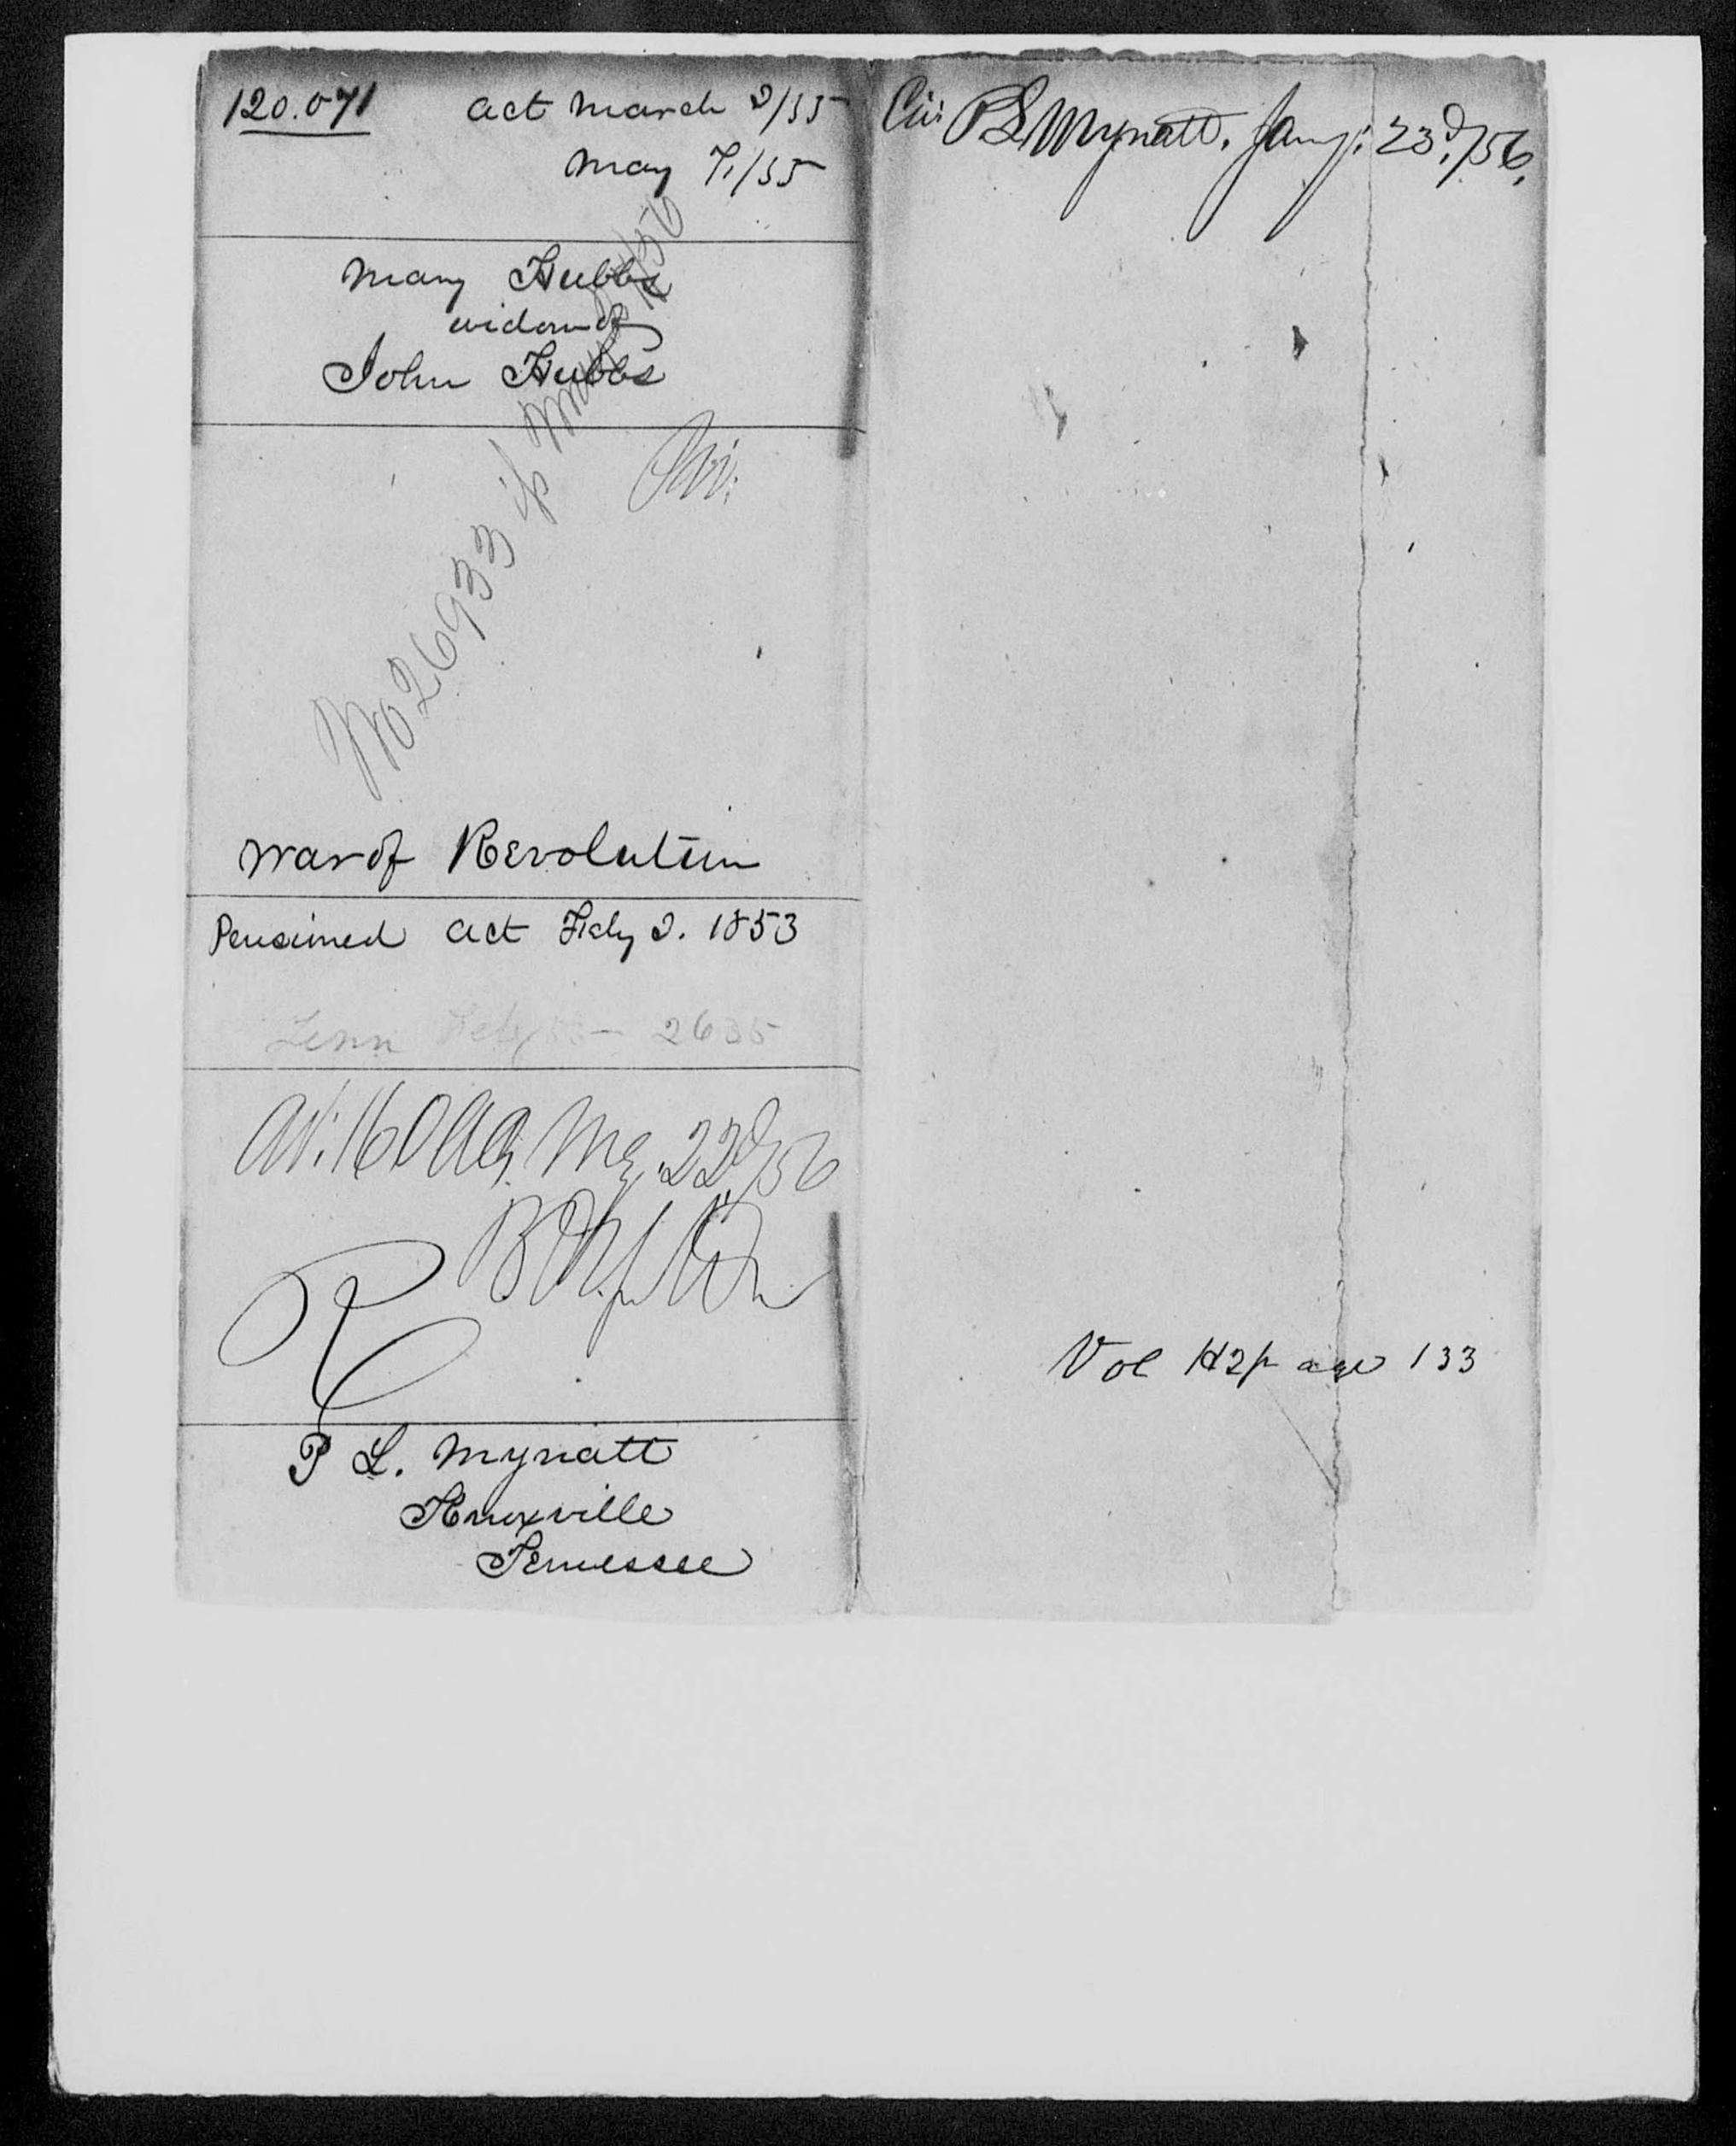[left side]
120..071
Act March 2/55
may 7/55
________________________
Mary Hubbs
widow of
John Hubbs
________________________
No 26933 
is May 21/56
Priv

war of Revolution 
________________________
Pensioned Act Feby 2. 1853
Tenn Feby 53 - 2635
______________________
[illegible] 22nd /56
[illegible]
_______________________
P L Mynatt
Knoxville
Tennessee


[right side]
P L Mynatt Jany: 23rd /56.

Vol H2 Page 133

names: P L Mynatt, John Hubbs, Mary Hubbs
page: 4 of 86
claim: widow's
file: W. 1035, John Hubbs, S.C.